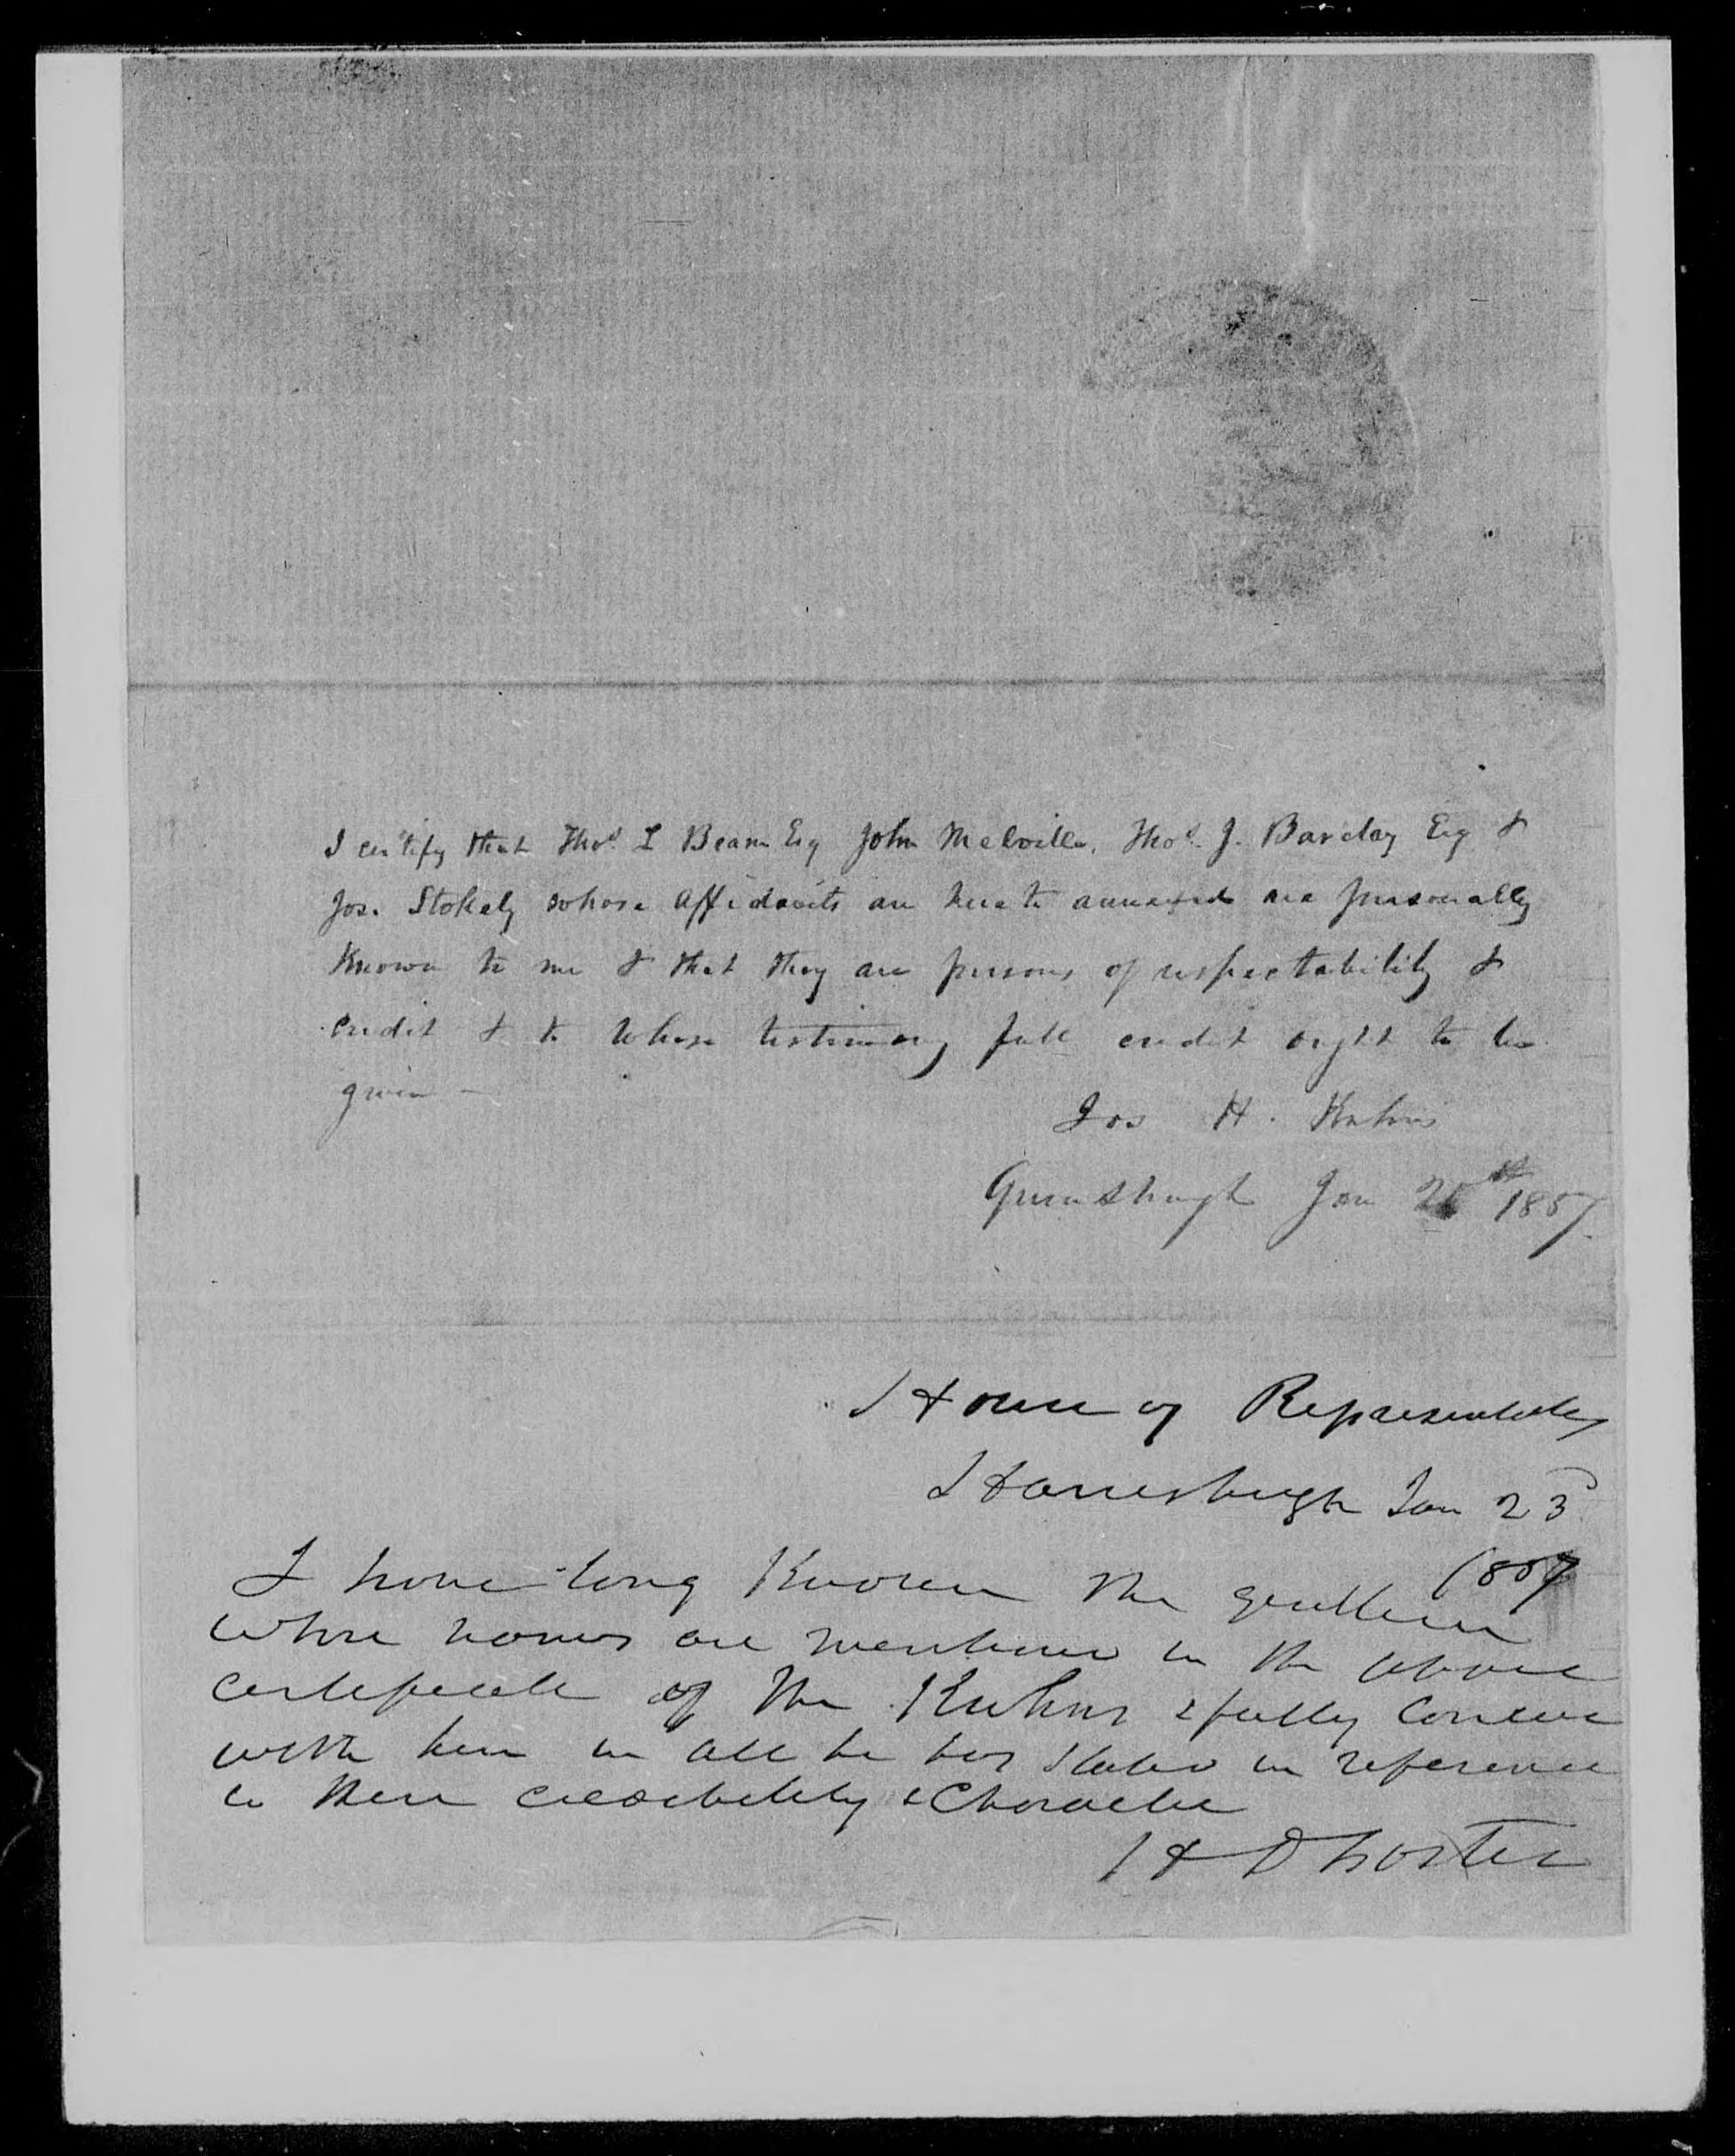[county seal]
I certify that Thos L Bean Esq, John Melville , Thos J Barclay Esq & Jos. Stokely whose affidavits an hereto  awarded are personally known to me  & that they are persons of respectability & whose  testimony full credit ought to be given.
Jos H. Kuhus
Greensburgh Jan 21st 1857

House of Representatives
Harrisburgh Jan 23 1857

I have long known the gentlemen whose names are mentioned in the above certificate of Mr. J. Kuhus & fully confer with him in all  [illegible] for Kuhus in reference to their credibility and Character
H D Foster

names: Thos L Beam, H D Foster, Thos J Barclay, Jos Stokely, Jos H Kuhus, John Melville, Kuhus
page: 61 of 92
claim: widow's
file: W 1173, Robert Hamill, Penn.